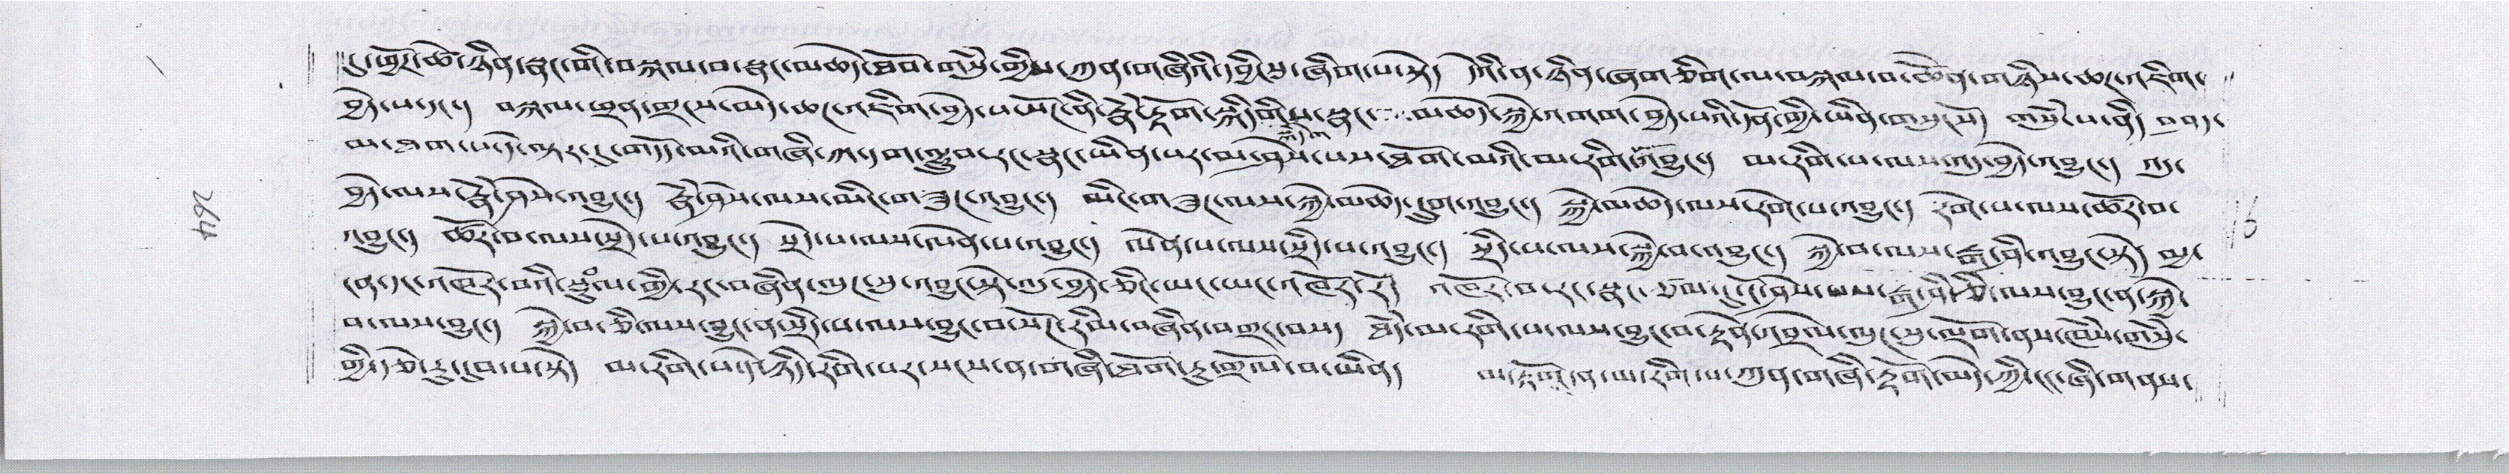དུ་ཕྱོགས་ཚེ་ཉིན་སྣང་གི་བསྐལ་བ་སྣང་མཆེད་ཐོབ་གསུམ་གྱིས་ཀུན་གཞིའི་དབྱིངས་སུ་ཞིག་པ་སྟེ། དེའི་ན་ཉིན་ཞག་གཅིག་ལ་བསྐལ་པ་ཆེན་པོ་གཉིས་ཆགས་འཇིག་
བྱེད་པ་དང། བསྐལ་ཕྲན་གྲངས་མེད་ཆགས་འཇིག་བྱེད་པ་སོགས་ནི་རྣམ་རྟོག་སྐད་ཅིག་གིས་སྐད་ཅིག་སྣང་མཆེད་སྐྱེ་འགག་བྱེད་པའི་དོན་གྱི་ཡིན་གསུངས་སོ། གསུམ་པ་ནི། བཤད་
མ་ཐག་པ་དེ་ལྟར་དུ་གདོད་མའི་གཞི་ཀ་དག་ལྷུན་གྲུབ་རང་སྣང་ཡིན་པར་མ་ཤེས་པས་ཐོག་མའི་མ་རིག་པ་འབྱུང། མ་རིག་པ་ལས་འདུ་བྱེད་འབྱུང། འདུ་
བྱེད་ལས་རྣམ་ཤེས་འབྱུང། རྣམ་ཤེས་ལས་མིང་གཟུགས་འབྱུང། མིང་གཟུགས་ལས་སྐྱེ་མཆེད་དྲུག་འབྱུང། སྐྱེ་མཆེད་ལས་རེག་པ་འབྱུང། རེག་པ་ལས་ཚོར་བ་
འབྱུང། ཚོར་བ་ལས་སྲེད་པ་འབྱུང། སྲེད་པ་ལས་ལེན་པ་འབྱུང། ལེན་པ་ལས་སྲིད་པ་འབྱུང། སྲིད་པ་ལས་སྐྱེ་བ་འབྱུང། སྐྱེ་བ་ལས་རྒ་ཤི་འབྱུང་སྟེ། མྱ་
ངན་དང་འཁོར་བའི་སྡུག་བསྔལ་གྱི་རང་བཞིན་ལུགས་སུ་འབྱུང་སྟེ་འདུ་བྱེད་ཅིང་ཡང་ཡང་འཁོར་ལོ། འཁོར་བ་རང་སྣང་ཙམ་དུ་ངོ་ཤེས་པས་རྒ་ཤི་ཅི་ལས་བྱུང་ན་སྐྱེ་
བ་ལས་བྱུང། སྐྱེ་བ་ཅི་ལས་བྱུང་ན་སྲིད་པ་ལས་བྱུང་བ་སོགས་རིམ་བཞིན་བགྲང་བས། ཐམས་ཅད་མ་རིག་པ་ལས་བྱུང་བ་རྟེན་འབྲེལ་ལུགས་སུ་ལྡོག་ནས་ཁམས་གསུམ་
གྱི་རྩེ་རུ་དུབ་པ་སྟེ། མ་རིག་པ་དེ་ཉིད་རིག་པར་སངས་ན་གཞི་ཐོག་ཏུ་གྲོལ་བ་ཡིན། མ་རྟོགས་ན་མ་རིག་པ་ཀུན་གཞི་རྟོག་མེད་ཀྱི་ངང་ཞི་གནས་